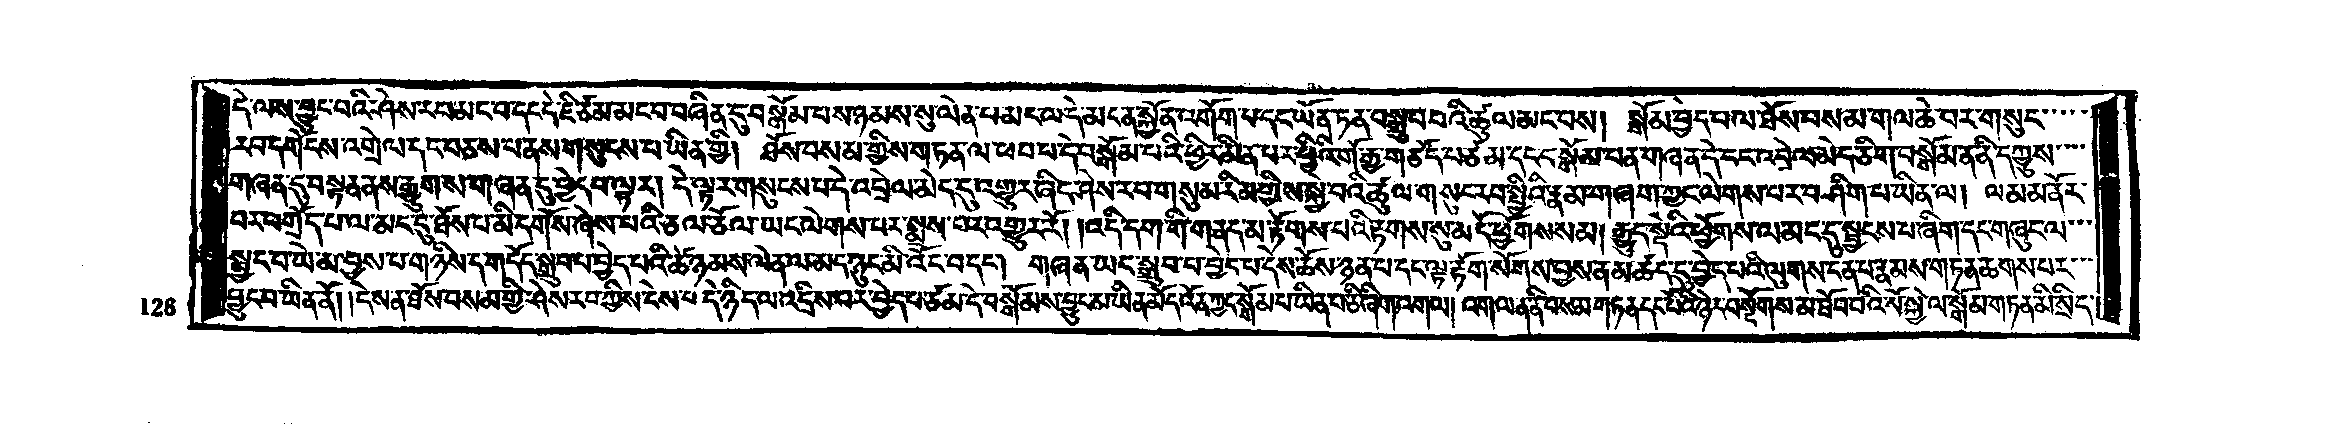དེ་ལས་བྱུང་བའི་ཤེས་རབ་མང་བ་ཙམ་དུ་བསམ་པ་?་མང་བ་བཞིན་དུ་བསྒོམ་པས་ཉམས་སུ་ལེན་པ་མང་ལ་དེ་མང་ན་སྐྱོན་འགོག་པ་དང་ཡོན་ཏན་བསྒྲུབ་པའི་ཚུལ་མང་བས། སྒོམ་བྱེད་པ་ལ་ཐོས་བསམ་གལ་ཆེ་བར་གསུང་
རབ་དགོངས་འགྲེལ་དང་བཅས་པ་ནས་གསུངས་པ་ཡིན་གྱི། ཐོས་བསམ་གྱིས་གཏན་ལ་ཕབ་པ་དེ་བསྒོམ་པའི་ཕྱིར་མིན་པར་ཕྱིའི་གོ་རྒྱ་གཅོད་པ་ཙམ་དང་བསྒོམ་པ་ན་གཞན་དེ་དང་འབྲེལ་མེད་ཅིག་བསྒོམ་ན་ནི་དཀྱུས་
གཞན་དུ་བསྟན་ནས་རྒྱུག་ས་གཞན་དུ་བྱེད་པ་ལྟར། དེ་ལྟར་གསུངས་པ་དེ་འབྲེལ་མེད་དུ་འགྱུར་ཞིང་ཤེས་རབ་གསུམ་རིམ་གྱིས་སྐྱེ་བའི་ཚུལ་གསུང་རབ་སྤྱིའི་རྣམ་གཞག་ཀྱང་ལེགས་པར་བཤིག་པ་ཡིན་ལ། ལམ་མ་ནོར་
བར་བགྲོད་པ་ལ་མང་དུ་ཐོས་པ་མི་དགོས་ཞེས་པའི་ཅལ་ཅོལ་ཡང་ལེགས་པར་སྨྲས་པར་འགྱུར་རོ། །འདི་དག་གི་གནད་མ་རྟོགས་པའི་རྟགས་སུ་མདོ་ཕྱོགས་སམ། རྒྱུད་སྡེའི་ཕྱོགས་ལ་མང་དུ་སྦྱངས་པ་ཞིག་དང་གཞུང་ལ་
སྦྱང་བ་ཡེ་མ་བྱས་པ་གཉིས་ད་གདོང་སྒྲུབ་པ་བྱེད་པའི་ཚེ་ཉམས་ལེན་ལ་མང་ཉུང་མི་འོང་བ་དང་། གཞན་ཡང་སྒྲུབ་པ་བྱེད་པ་དེས་ཆོས་ཉན་པ་དང་ལྟ་རྟོག་སོགས་བྱས་ན་མཚང་དུ་བྱེད་པའི་ལུགས་ངན་པ་རྣམས་གཏན་ཆགས་པར་
བྱུང་བ་ཡིན་ནོ། །དེས་ན་ཐོས་བསམ་གྱི་ཤེས་རབ་ཀྱིས་ངེས་པ་དེ་ཉིད་ལ་འདྲིས་བར་བྱེད་པ་ཙམ་དེ་བསྒོམས་བྱུང་མ་ཡིན་མོད་འོན་ཀྱང་སྒོམ་པ་ཡིན་པ་ཅི་ཞིག་འགལ། འགལ་ན་ནི་བསམ་གཏན་དང་པོའི་ཉེར་བསྡོགས་མ་ཐོབ་པའི་སོ་སྐྱེ་ལ་སྒོམ་གཏན་མི་སྲིད་